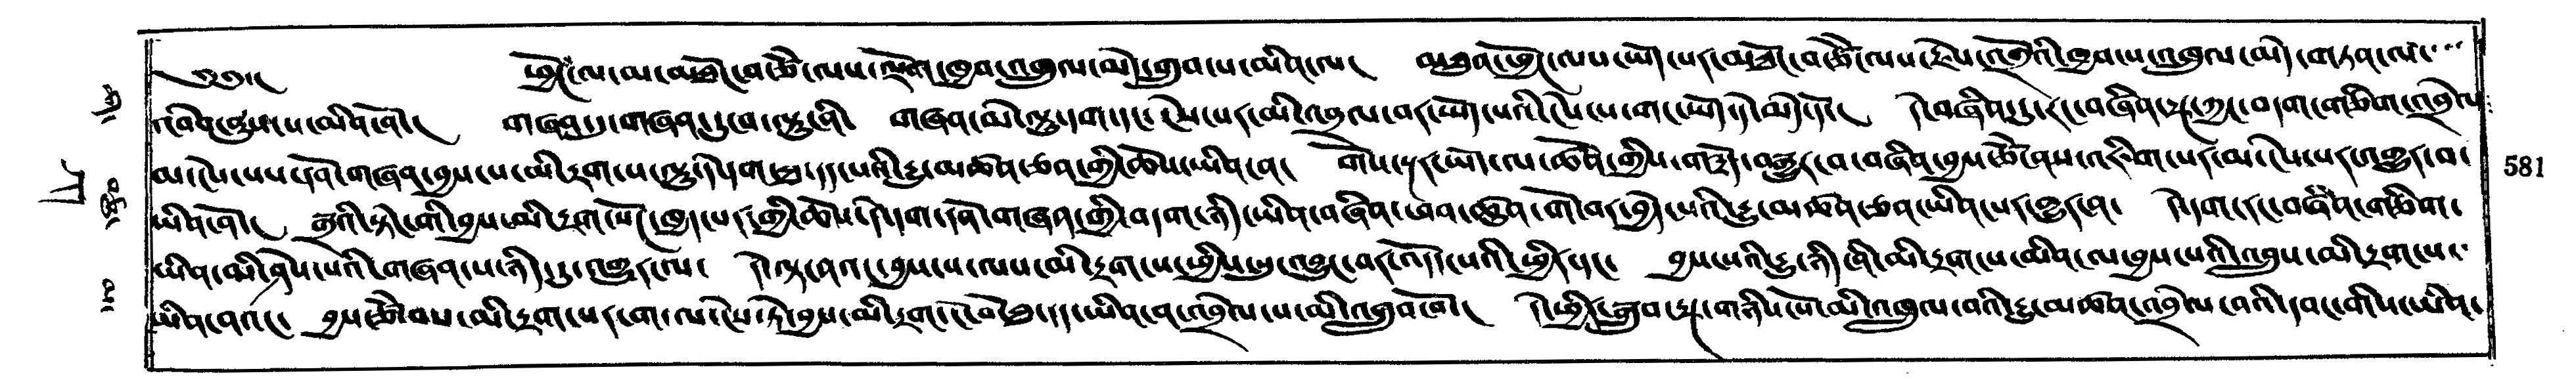ཕྱོགས་ལ་མ་མཐོང་བ་ཙམ་ལས་ལྡོག་ཁྱབ་འཁྲུལ་མེད་གྲུབ་པ་མིན་ལ། མཐུན་ཕྱོགས་ལས་ཡོད་པར་མཐོང་བ་ཙམ་ལས་རྗེས་འགྲོའི་ཁྱབ་པ་འཁྲུལ་མེད་གཏན་ལ་
འབེབ་ནུས་པ་མིན་ནོ།། གཞན་དུ་བ་ལྟ་བུ་ནི། གཞན་མི་ལྟ་བུ་དག་དང་ངེས་པར་མི་འབྲལ་བར་ཡོད་པའི་ངེས་པ་གང་ཡོད་དེ་མེད་དོ།། དེ་བཞིན་དུ་རང་བཞིན་རྟགས་ཀྱང་བདག་གཅིག་འབྲེལ་
མ་ངེས་པས་དོན་གཞན་བྱས་པ་མི་རྟག་པ་ལྟ་བུ་དེ་དག་ཐ་དད་པའི་རྒྱུ་མཚན་ཅན་གྱི་ཆོས་ཡིན་ན། གོས་སྔར་ཡོད་ལ་ཚོན་གྱིས་གཟོད་བསྒྱུར་བ་བཞིན་བྱས་ཙམ་ནས་འཇིག་པར་མ་ངེས་པར་འགྱུར་བ་
ཡིན་ནོ།། སྒྲའི་སྟེང་གི་བྱས་མི་རྟག་སོགས་ཁྱད་པར་གྱི་ཆོས་དེ་དག་དོན་གཞན་གྱི་བདག་ཉིད་ཡིན་བཞིན་ཕན་ཚུན་གོ་བར་བྱེད་པའི་རྒྱུ་མཚན་ཅན་ཡིན་པར་གྱུར་ན། དེ་དག་རང་བཞིན་གཅིག་
ཡིན་མི་ཤེས་པའི་གཞན་པ་ཉིད་དུ་འགྱུར་ལ། དེ་ལྟ་ནའང་བྱས་པ་ལས་མི་རྟག་པ་ཕྱིས་སུ་འབྱུང་བར་འདོད་པའི་ཕྱིར་དང་། བྱས་པའི་རྒྱུ་ཉིད་ནི་མི་རྟག་པ་མིན་ལ་བྱས་པའི་འབྲས་བུ་མི་རྟག་པ་
ཡིན་ནའང་། བྱས་ཙམ་བས་མི་རྟག་པར་ག་ལ་ངེས་ཏེ་བྱས་མི་རྟག་ངོ་བོ་ཐ་དད་ཡིན་ན་འབྲེལ་བ་མི་འགྲུབ་བོ།།དེ་ཕྱིར་སྒྲུབ་རྟགས་གཉིས་པོ་མི་འཁྲུལ་བའི་རྒྱུ་མཚན་འབྲེལ་བའི་དབང་གིས་ཡིན་